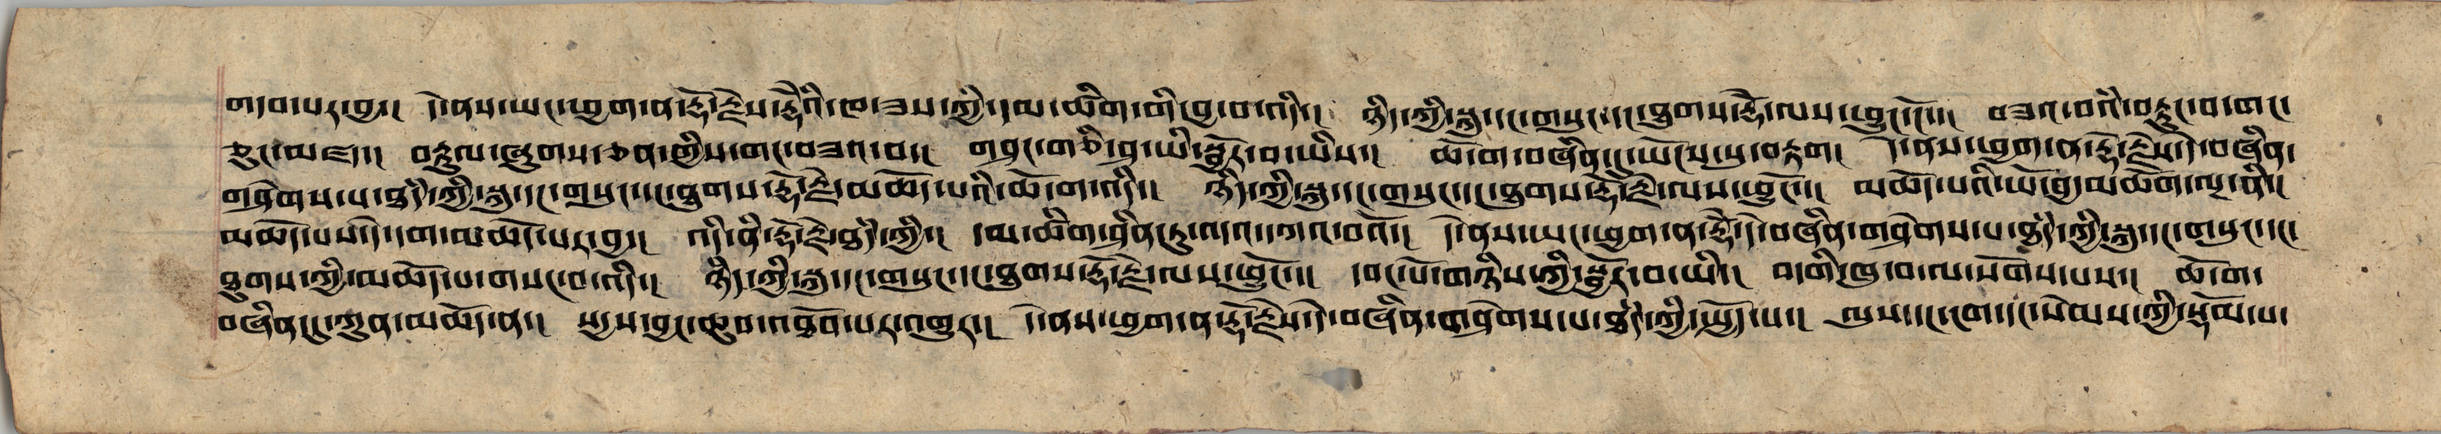གདབ་པར་བྱ་། དེ་ནས་ཡང་ཕྱག་ན་རྡོ་རྗེས་རྡོེའི་ཁ་ཟས་ཀྱི་དམ་ཚིག་གི་བྱ་བ་འདི་། ཉིད་ཀྱི་སྐུ་དང་གསུང་དང་ཐུགས་རྡོེ་ལས་ཕྱུང་ངོ་་། བཟའ་བའི་བརྟུང་བ་གང་
ཅུང་མཛད་། བརྟུལ་ཞུགས་ཅན་གྱིས་གང་བཟའ་བ་། གཤང་གཅི་ཤ་ཡི་སྦྱོར་བ་ཡིས་། ཆོ་ག་བཞིན་དུ་ཡོངས་སུ་བརྟག། དེ་ནས་ཕྱག་ན་རྡོ་རྗེས་དེ་བཞིན་
གཤེགས་པ་ཐདཾ་ཀྱི་སྐུ་དང་གསུང་དང་ཐུགས་རྡོ་རྗེ་མཆོད་པའི་ཆོ་ག་འདི་། ཉིད་ཀྱི་སྐུ་དང་གསུང་དང་ཐུགས་རྡོ་རྗེ་ལས་ཕྱུངོ་་། མཆོད་པའི་ཡོ་བྱ་མཆོག་ལྔ་ནི་།
མཆོད་པས་དེ་དག་མཆོད་པར་བྱ་། འདི་ནི་རྡོ་རྗེ་ཐདཾ་ཀྱི་། དམ་ཚིག་ཤིན་ཏུ་འདའ་དཀའ་བའོ་། དེ་ནས་ཡང་ཕྱག་ན་རྡོེ་དེ་བཞིན་གཤེགས་པ་ཐདཾ་ཀྱི་སྐུ་དང་གསུང་དང་
ཐུགས་ཀྱི་མཆོད་པ་གསང་བ་འདི་། ཉིད་ཀྱི་སྐུ་དང་གསུང་དང་ཐུགས་རྡོ་རྗེ་ལས་ཕྱུངོ་་། དབང་པོ་གཉིས་ཀྱི་སྦྱོར་བ་ཡི་། བདགི་ཁུ་བ་ལ་སོགས་པས་། ཆོ་ག་
བཞིན་དུ་ཀུན་མཆོད་ན་། སདྱས་བྱང་ཆུབ་འཐོབ་པར་འགྱུར་། དེ་ནས་ཕྱག་ན་རྡོ་རྗེས་དེ་བཞིན་གཤེགས་པ་ཐདཾ་ཀྱི་སྤྱོད་པ་། ལུས་དང་ངག་དང་སེམས་ཀྱི་སྡོམ་པ་